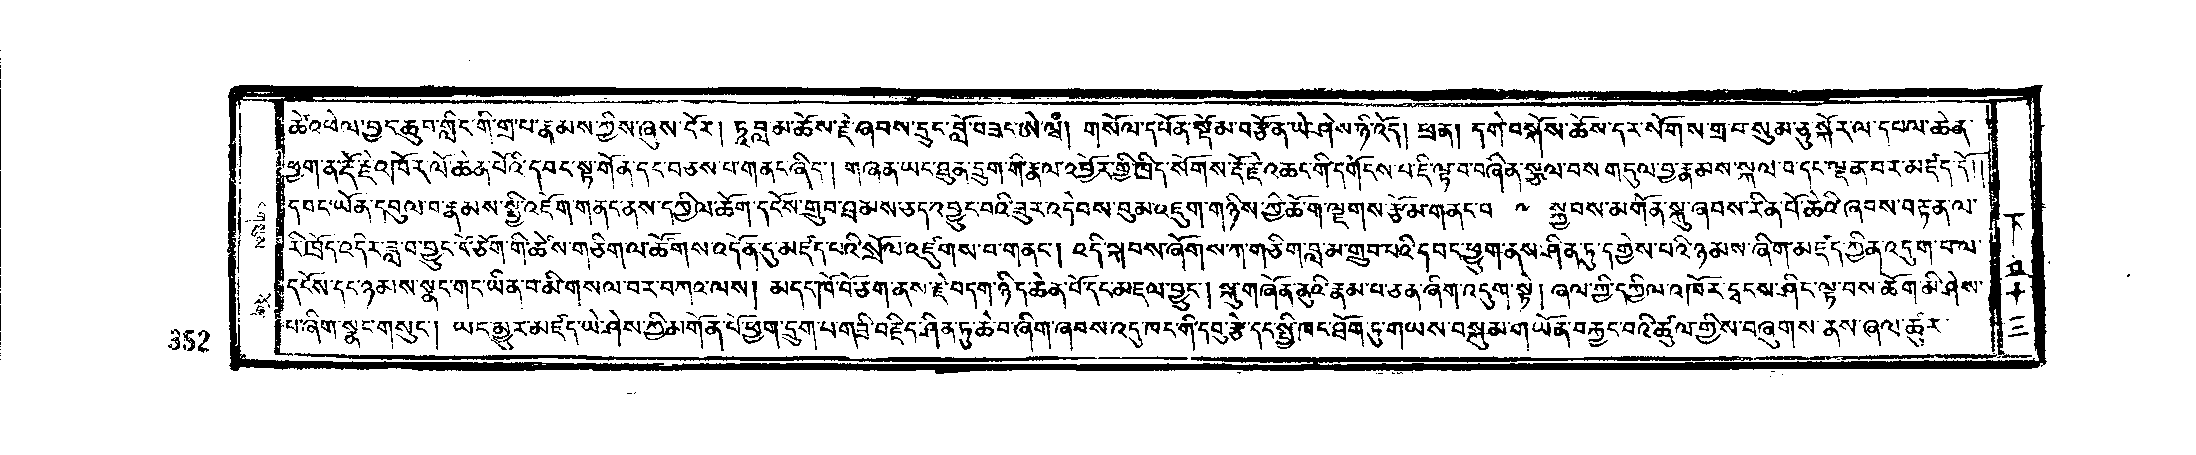ཚེ་འཕེལ་བྱང་ཆུབ་གླིང་གི་གྲ་པ་རྣམས་ཀྱིས་ཞུས་ངོར། ཏཱ་བླ་མ་ཆོས་རྗེ་ཞབས་དྲུང་བློ་བཟང་ཨེ་ཝཾ། གསོལ་དཔོན་སྡོམ་བརྩོན་ཡེ་ཤེས་ཉི་འོད། ཕྲན། དགེ་བསྐོས་ཆོས་དར་སོགས་གྲ་བ་སུམ་ཅུ་སྐོར་ལ་དཔལ་ཆེན་
ཕྱག་ན་རྡོ་རྗེ་འཁོར་ལོ་ཆེན་པོའི་དབང་སྟ་གོན་དང་བཅས་པ་གནང་ཞིང་། གཞན་ཡང་ཐུན་དྲུག་གི་རྣལ་འབྱོར་གྱི་ཁྲིད་སོགས་རྡོ་རྗེ་འཆང་གི་དགོངས་པ་ཇི་ལྟ་བ་བཞིན་སྩལ་བས་གདུལ་བྱ་རྣམས་སྐལ་བ་དང་ལྡན་པར་མཛད་དོ།།
དབང་ཡོན་དབུལ་བ་རྣམས་སྤྱི་འཇོག་གནང་ནས་དཀྱིལ་ཆོག་དངོས་གྲུབ་ཐམས་ཅད་འབྱུང་བའི་ཟུར་འདེབས་བུམ་འཇུག་གཉིས་ཀྱི་ཆོ་ག་ལྗགས་རྩོམ་གནང་བ ༧་སྐྱབས་མགོན་སྐུ་ཞབས་རིན་པོ་ཆེའི་ཞབས་བརྟན་ལ་
རི་ཁྲོད་འདིར་ཟླ་བ་བྱུང་ངོ་ཅོག་གི་ཚེས་གཅིག་ལ་ཚོགས་འདོན་དུ་མཛད་པའི་སྲོལ་འཛུགས་པ་གནང་། འདི་སྐབས་ཞོགས་ཀ་གཅིག་བླ་མ་གྲུབ་པའི་དབང་ཕྱུག་ནས་ཤིན་ཏུ་དགྱེས་པའི་ཉམས་ཞིག་མཛད་ཀྱིན་འདུག་པ་ལ་
དངོས་དང་ཉམས་སྣང་གང་ཡིན་པ་མི་གསལ་བར་བཀའ་ལས། མདང་ཁོ་བོ་ཅག་ནས་རྗེ་བདག་ཉིད་ཆེན་པོ་དང་མཇལ་བྱུང་། སྐུ་གཞོན་ནུའི་རྣམ་པ་ཅན་ཞིག་འདུག་སྟེ། ཞལ་ཀྱི་དཀྱིལ་འཁོར་དྭངས་ཤིང་ལྟ་བས་ཆོག་མི་ཤེས་
པ་ཞིག་སྣང་གསུང་། ཡང་མྱུར་མཛད་ཡེ་ཤེས་ཀྱི་མགོན་པོ་ཕྱག་དྲུག་པ་གཟི་བརྗིད་ཤིན་ཏུ་ཆེ་བ་ཞིག་ཞབས་འདུ་ཁང་གི་དབུ་རྩེ་དང་སྤྱི་ཁང་ཐོག་ཏུ་གཡས་བསྐུམ་གཡོན་བརྐྱང་བའི་ཚུལ་གྱིས་བཞུགས་ནས་ཞལ་ཚུར་